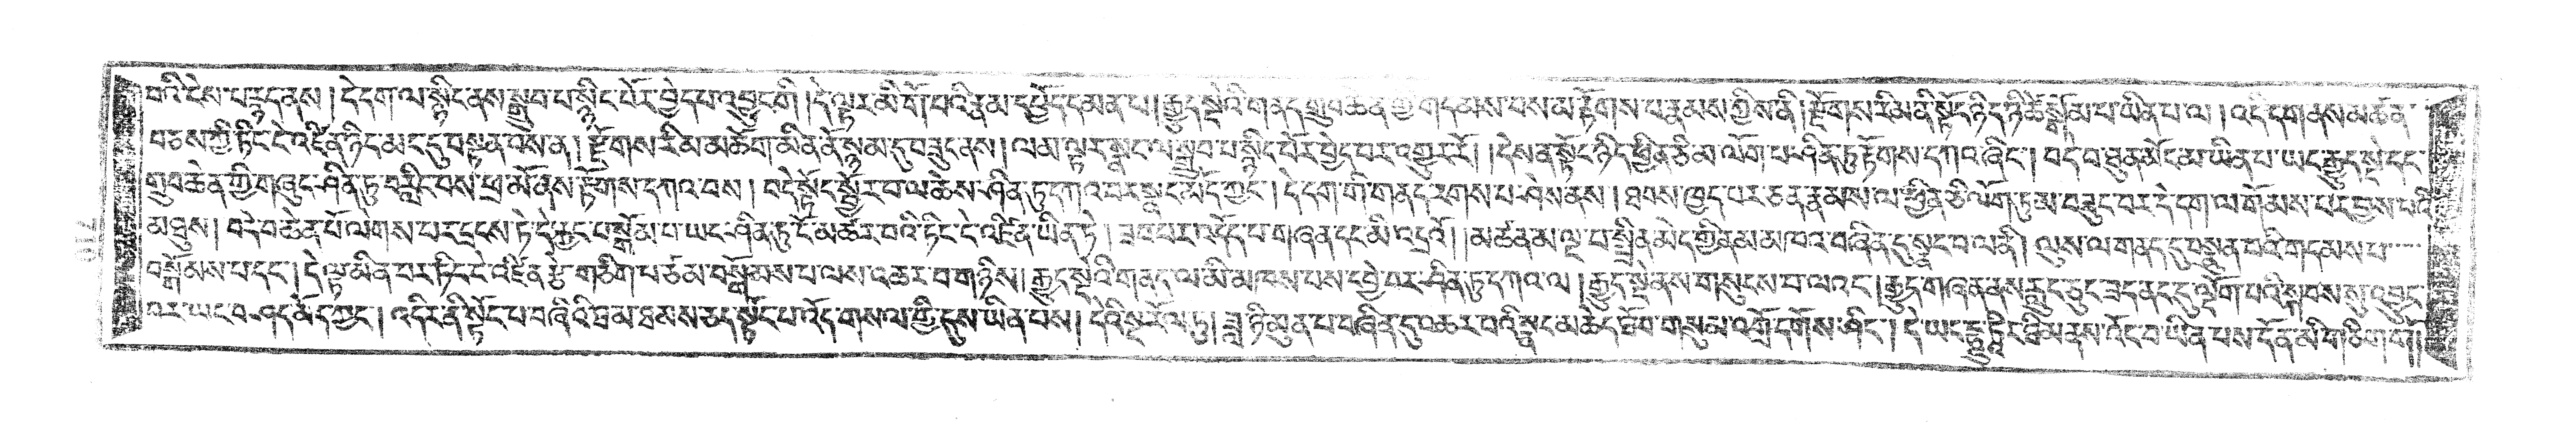བའི་ངེས་པ་རྙེད་ནས། དེ་དག་ལ་སྙིང་ནས་སྒྲུབ་པ་སྙིང་པོར་བྱེད་པ་འབྱུང་གི །དེ་ལྟར་མི་གོ་བའི་རྣམ་དཔྱོད་དམན་པ། རྒྱུད་སྡེའི་གནད་གྲུབ་ཆེན་གྱི་གདམས་པས་མ་རྟོགས་པ་རྣམས་ཀྱིས་ནི། རྫོགས་རིམ་ནི་སྟོང་ཉིད་ཉི་ཚེ་སྒོམ་པ་ཡིན་པ་ལ། འདི་དག་ནས་མཚན་
བཅས་ཀྱི་ཏིང་ངེ་འཛིན་ཉིད་མང་དུ་བསྟན་པས་ན། རྫོགས་རིམ་མཆོག་མིན་ནོ་སྙམ་དུ་བཟུང་ནས། ལམ་ལྟར་སྣང་ལ་སྒྲུབ་པ་སྙིང་པོར་བྱེད་པར་འགྱུར་རོ། །དེས་ན་སྟོང་ཉིད་ཕྱིན་ཅི་མ་ལོག་པ་ཤིན་ཏུ་རྟོགས་དཀའ་ཞིང་། བདེ་བ་ཐུན་མོང་མ་ཡིན་པ་ཡང་རྒྱུད་སྡེ་དང་
གྲུབ་ཆེན་གྱི་གཞུང་ཤིན་ཏུ་བརླིང་བས་ཕྲ་མོ་ནས་རྟོགས་དཀའ་བས། བདེ་སྟོང་སྦྱོར་བ་ལ་ཆེས་ཤིན་ཏུ་དཀའ་བར་སྣང་མོད་ཀྱང་། དེ་དག་གི་གནད་རགས་པ་ཤེས་ནས། ཐབས་ཁྱད་པར་ཅན་རྣམས་ལ་ཕྱིན་ཅི་ལོག་ཏུ་མ་བཟུང་བར་དེ་དག་ལ་གོམས་པར་བྱས་པའི་
མཐུས། བདེ་བ་ཆེན་པོ་ལེགས་པར་དྲངས་ཏེ་དེ་རྐྱང་པ་སྒོམ་པ་ཡང་ཤིན་ཏུ་ངོ་མཚར་བའི་ཏིང་ངེ་འཛིན་ཡིན་ཏེ། ཟབ་པར་འདོད་པ་གཞན་དང་མི་འདྲའོ། །མཚན་མ་ལྔ་པ་སྤྲིན་མེད་གྱི་ནམ་མཁའ་བཞིན་དུ་སྣང་བ་ལ་ནི། ལུས་ལ་གནང་དུ་བསྣུན་པའི་གདམས་པ་
བསྒོམས་པ་དང་། དེ་ལྟ་མིན་པར་ཏིང་ངེ་འཛིན་རྩེ་གཅིག་པ་ཙམ་བསྒོམས་པ་ལས་འཆར་བ་གཉིས། རྒྱུད་སྡེའི་གནད་ལ་མི་མཁས་པས་དབྱེ་བར་ཤིན་ཏུ་དཀའ་ལ། རྒྱུད་སྡེ་ནས་གསུངས་པ་ལའང་། རྒྱུད་གཞན་ནས་རླུང་ཅུང་ཟད་ནང་དུ་ལྡོག་པའི་སྐབས་སུ་འབྱུང་
བར་ཡང་བཤད་མོད་ཀྱང་། འདིར་ནི་སྟོང་པ་བཞིའི་ཐ་མ་ཐམས་ཅད་སྟོང་པ་འོད་གསལ་གྱི་དུས་ཡིན་པས། དེའི་སྔ་རོལ་ཏུ། ཟླ་ཉི་མུན་པ་བཞིན་དུ་འཆར་བའི་སྣང་མཆེད་ཐོབ་གསུམ་འགྲོ་དགོས་ཤིང་། དེ་ཡང་དྷཱུ་ཏཱིར་ཐིམ་ནས་འོང་བ་ཡིན་པས་དོན་མི་གཅིག་གོ །